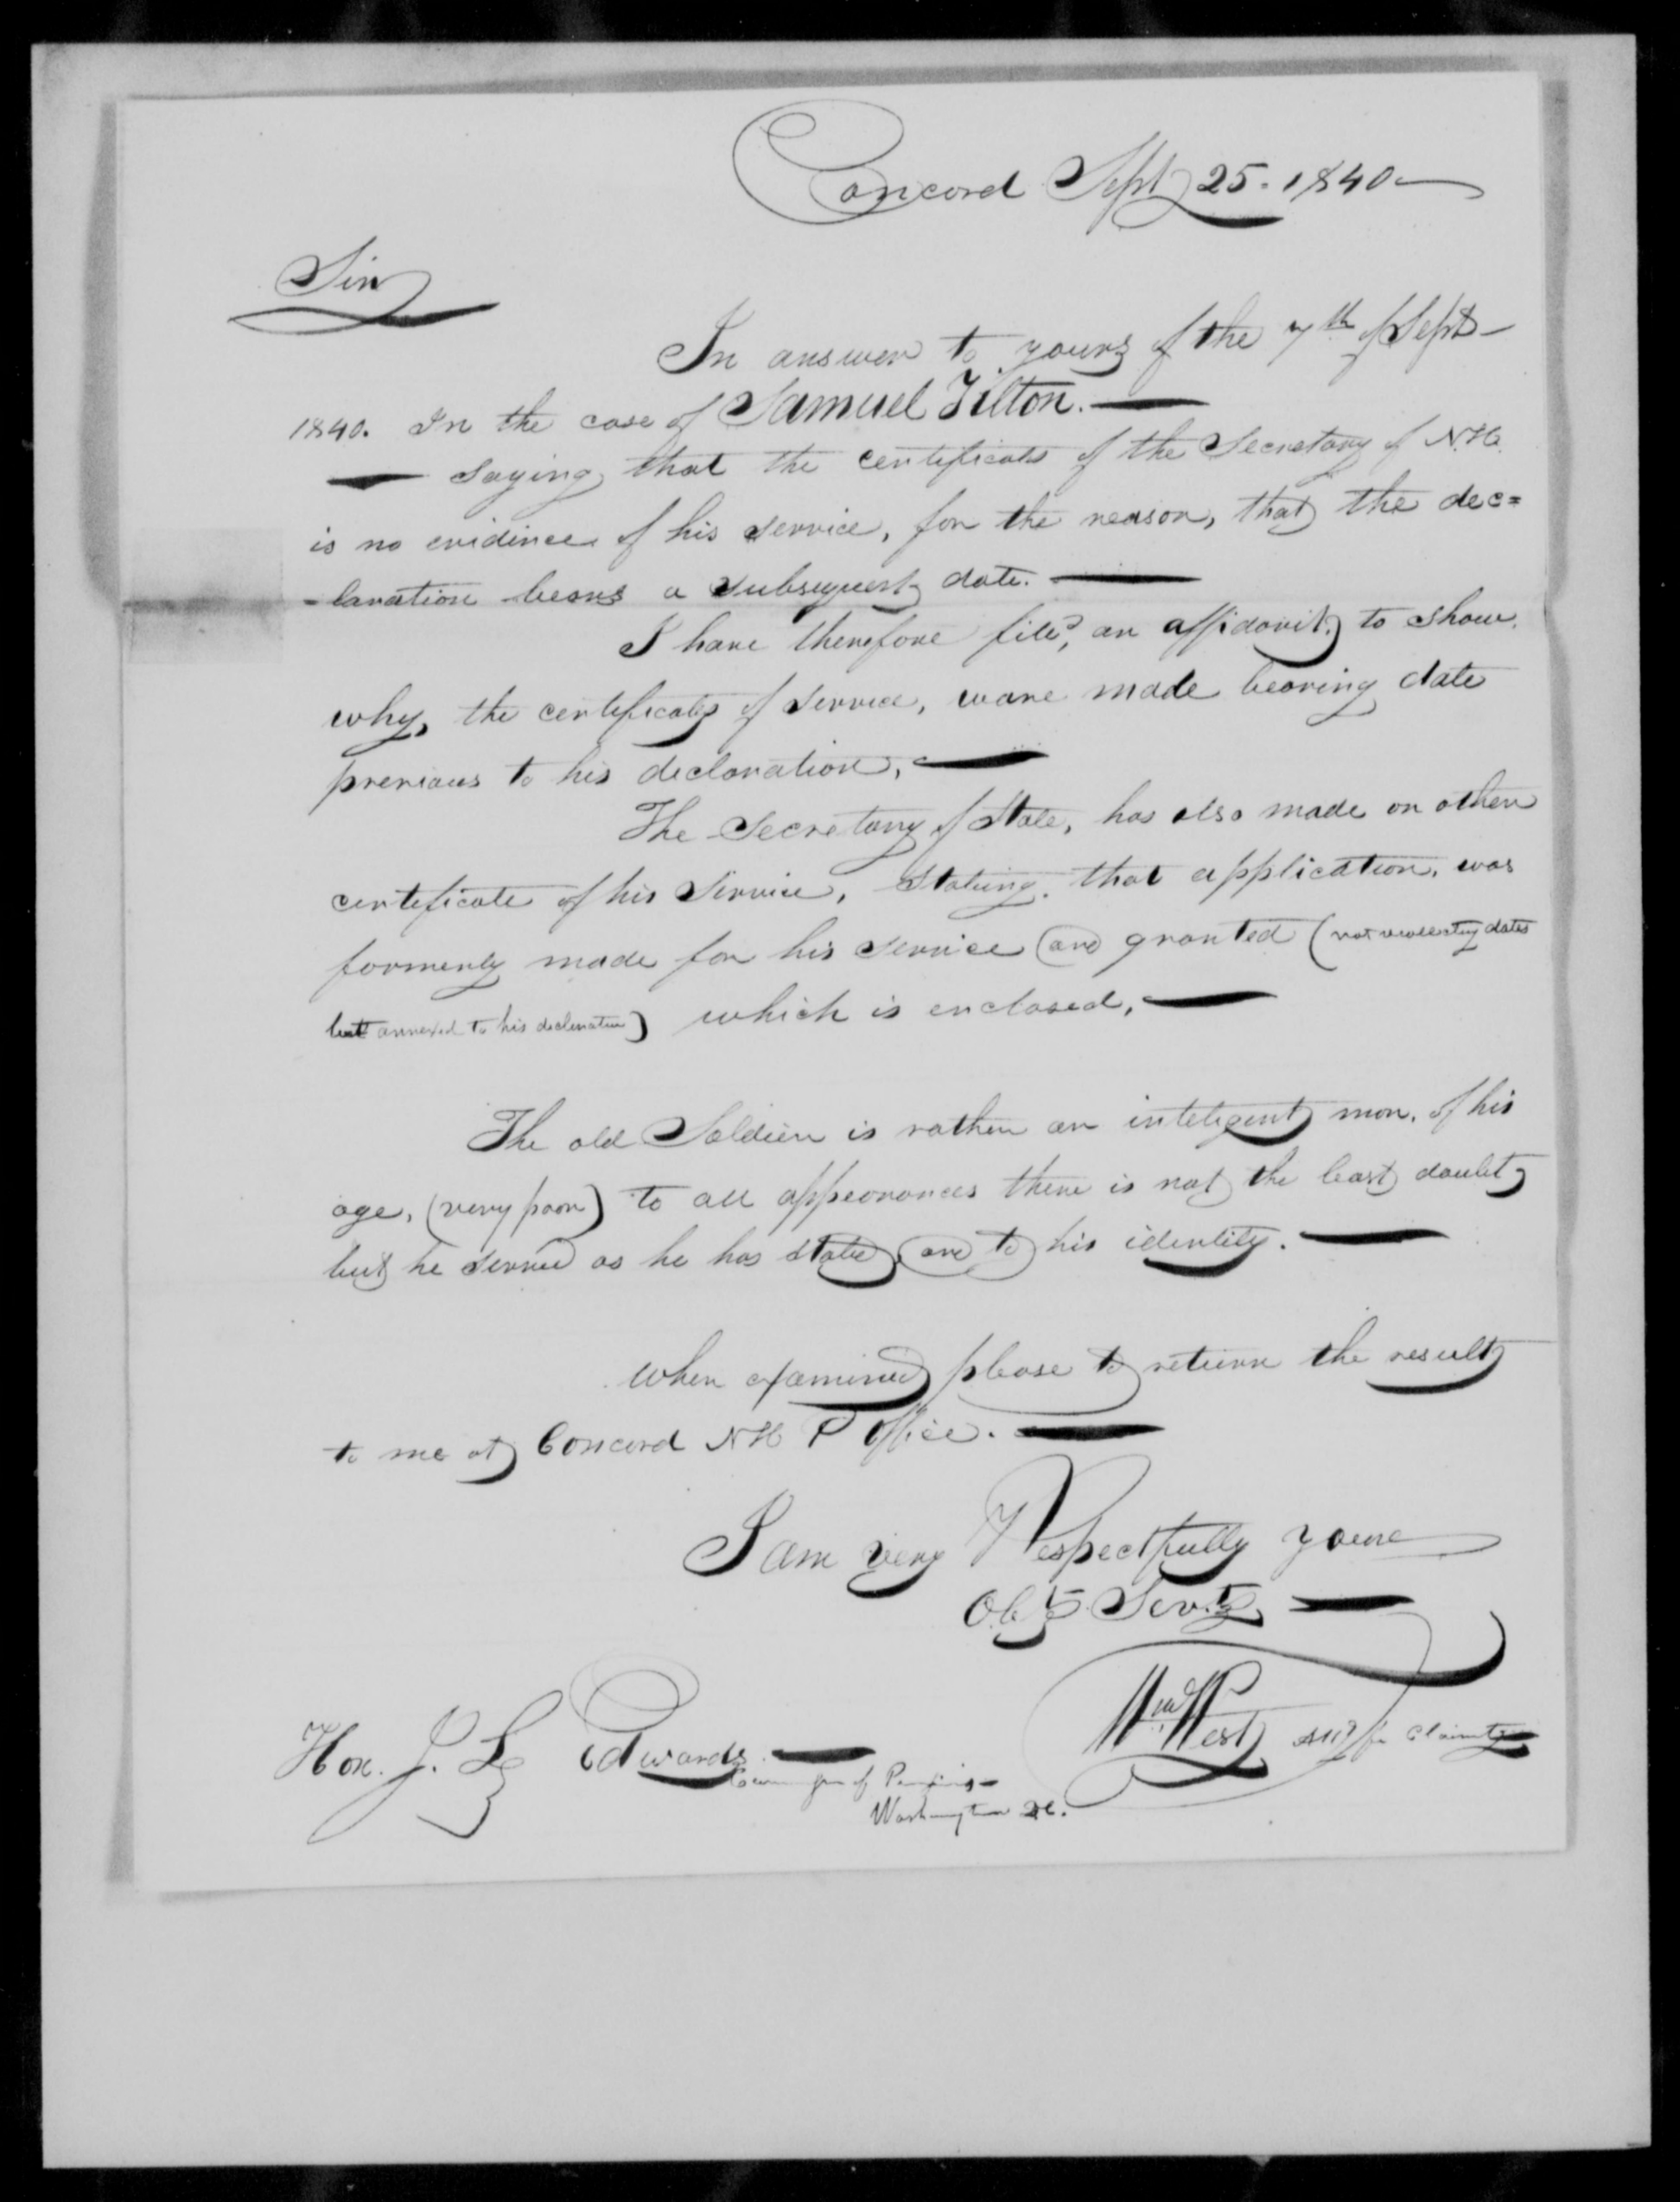Concord Sept 25. 1840
Sir
In answer to yours of the 7th of Sept. 1840. In the case of Samuel Tilton saying that the certificates of the Secretary of N. H. is no evidence of his service, for the reason, that the declaration bears a subsequent date.
I have therefore filed an affidavit to show why the certificates of service, were made bearing date previous to his declaration.
The Secretary of State, has also made on other certificate of his Service, stating that application, was formerly made for his service and granted (not  reentering dates but annexed to his declaration) which is enclosed.
The old Soldier is rather an inteligent man of his age, (very poor) to all appearances there is not the least doubt but he served as he has stated and to his identity.
When examined please to return the results to me at Concord NH office.
I am by
Respectfully your
Obt Sert [Obedient Servant]
Wm West Atty of Claimant

Hon. J. L. Edwards 
Commissioner of Pensions
Washington D. C.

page: 48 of 55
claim: widow's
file: W. 14,021, for Samuel Tilton, New Hampshire